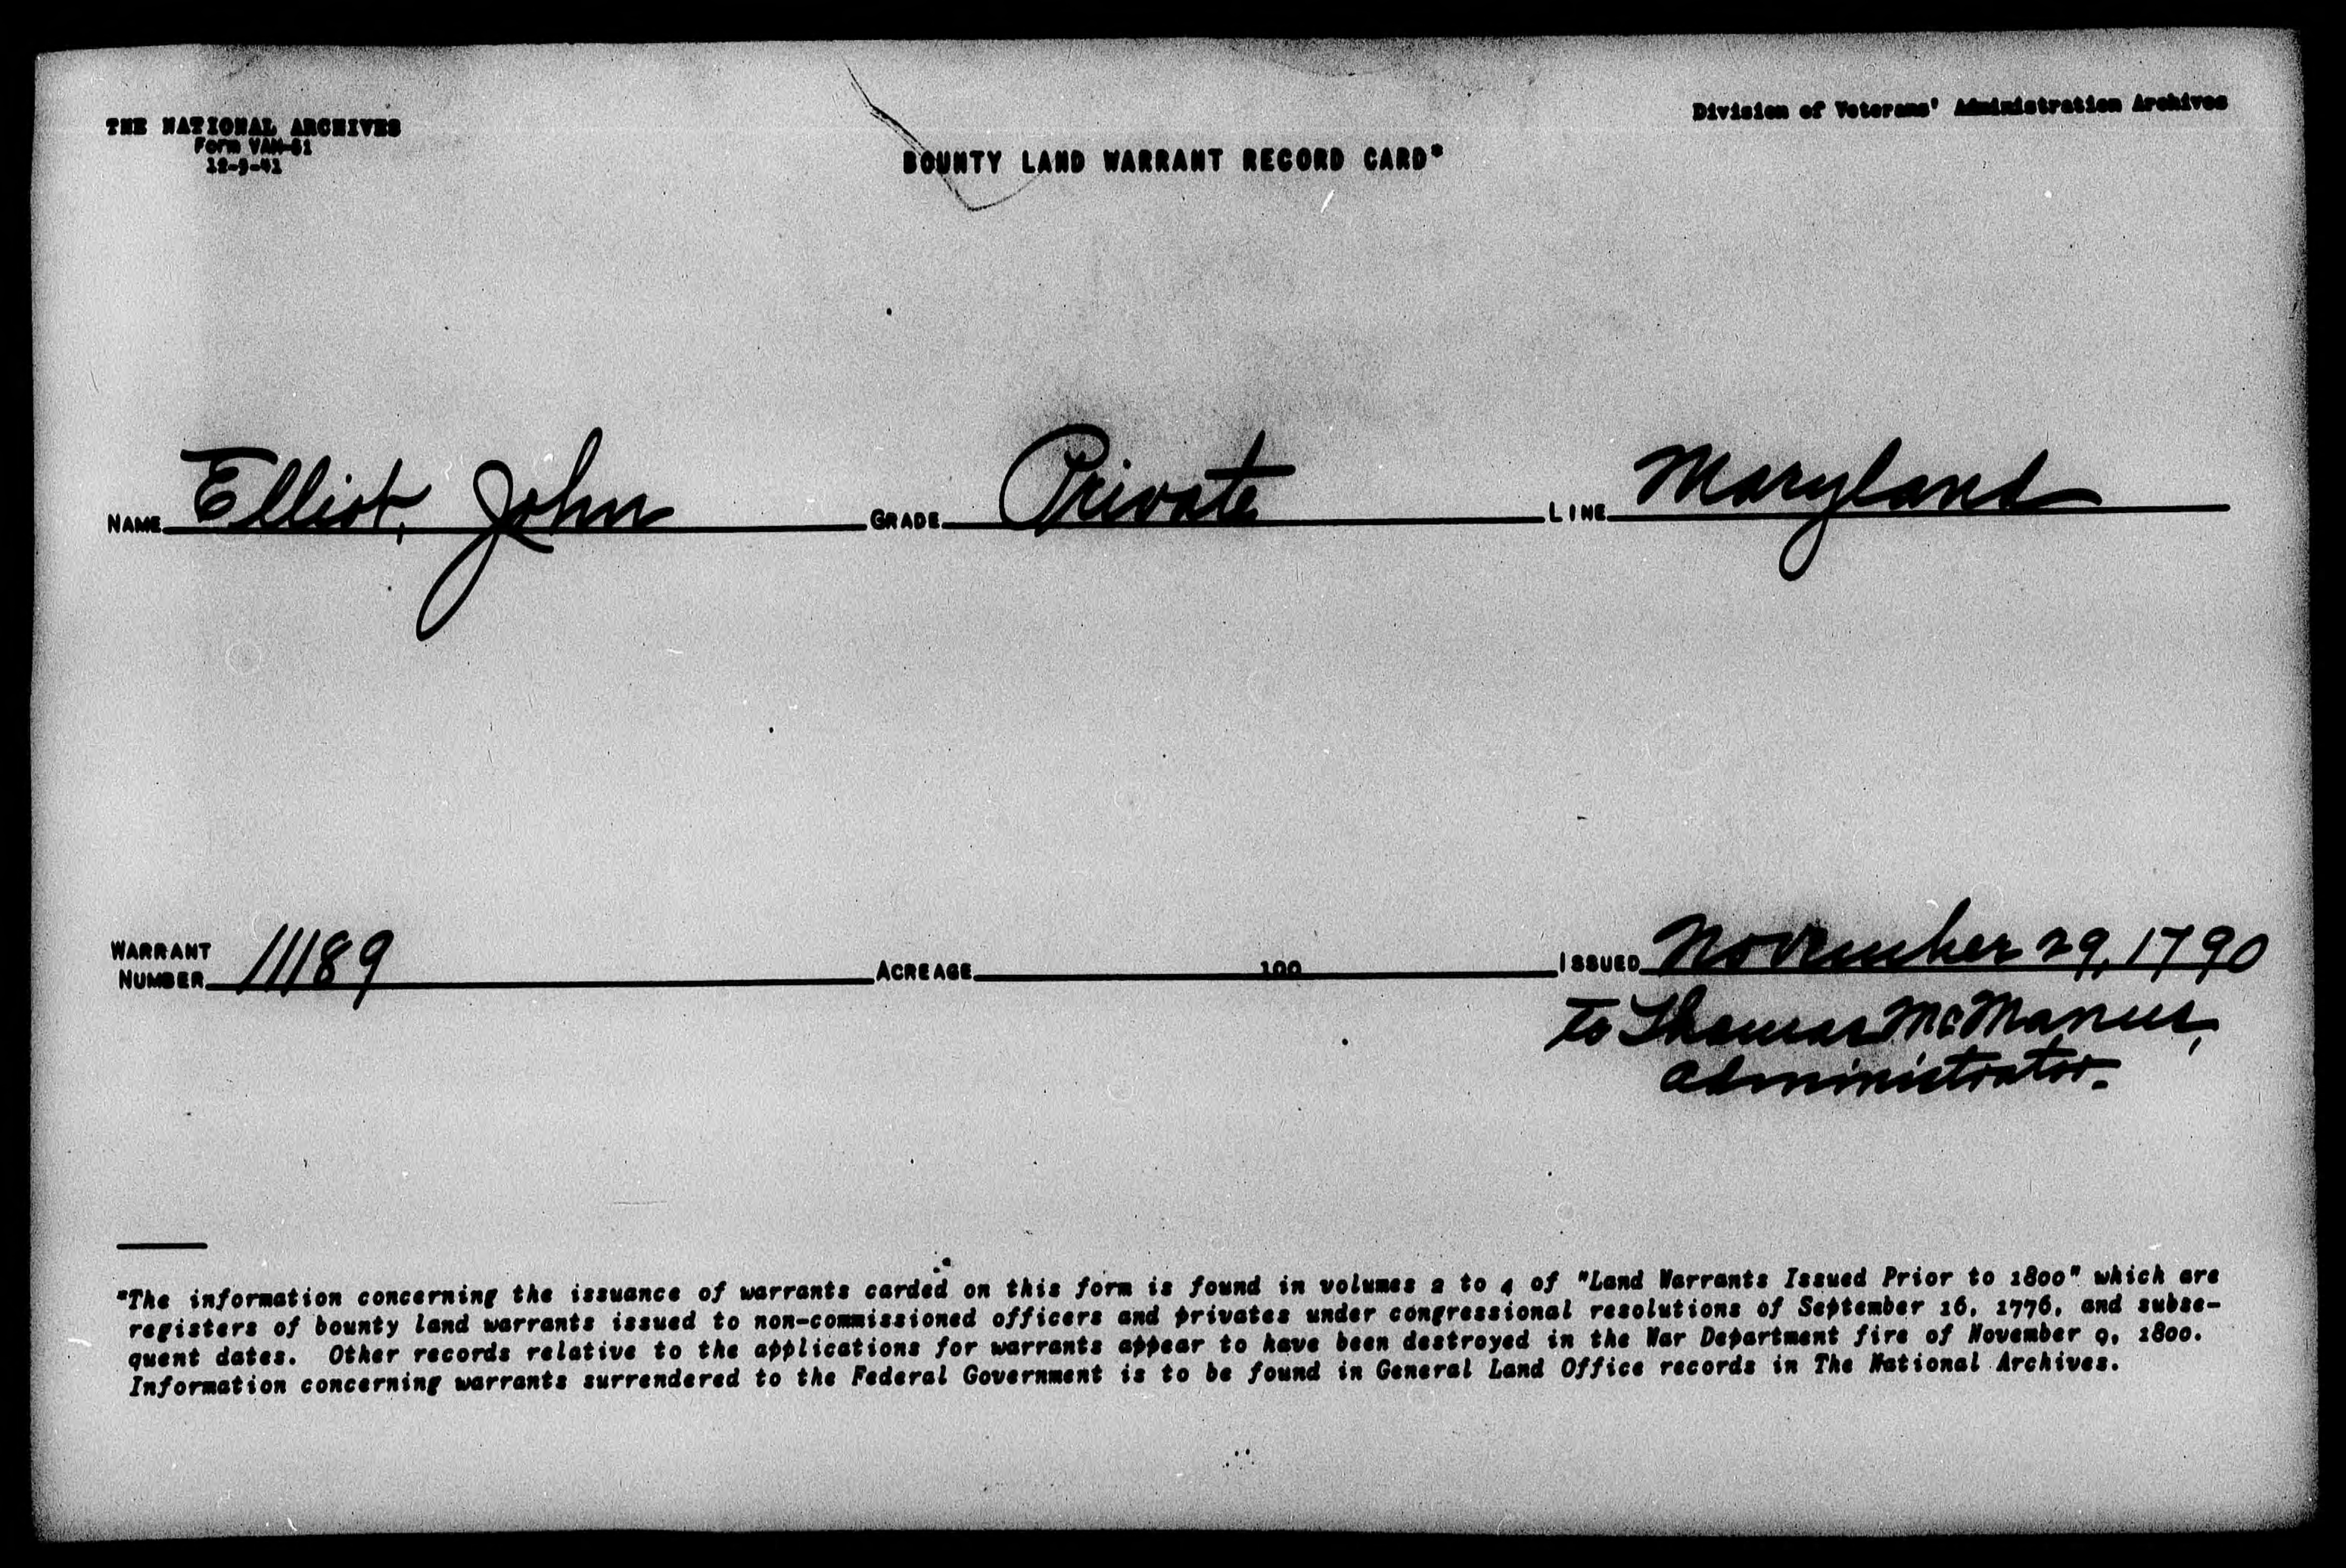THE NATIONAL ARCHIVES
FORM VAN-61
15-5-41
COUNTY LAND WARRANT RECORD CARD*
Division of Veterans administrator Archives
Name Elliot, John
Grade Private
Line Maryland
WARRANTy
NUMBERS
11189
ACREAGE 100
ISSUED
November 29, 1790 to Thomas McManus Administrator.
The information concerning the issuance of warrants carded on this form is found in volumes 2 to 4 of ""Land Warrants Issued Prior to 1800 which are
Information concerning warrants surrendered to the Federal Government is to be found in General Land Office records in The National Archives.
registers of bounty land warrants issued to non-commissioned officers and privates under congressional resolutions of September 16, 1776, and
quent dates. Other records relative to the applications for warrants appear to have been destroyed in the War Department fire of November 9, 1800.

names: John Elliot, Thomas Mc Manus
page: 57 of 57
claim: widow's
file: W. 16,114, John Elliot, Continental (Mass) N.H.